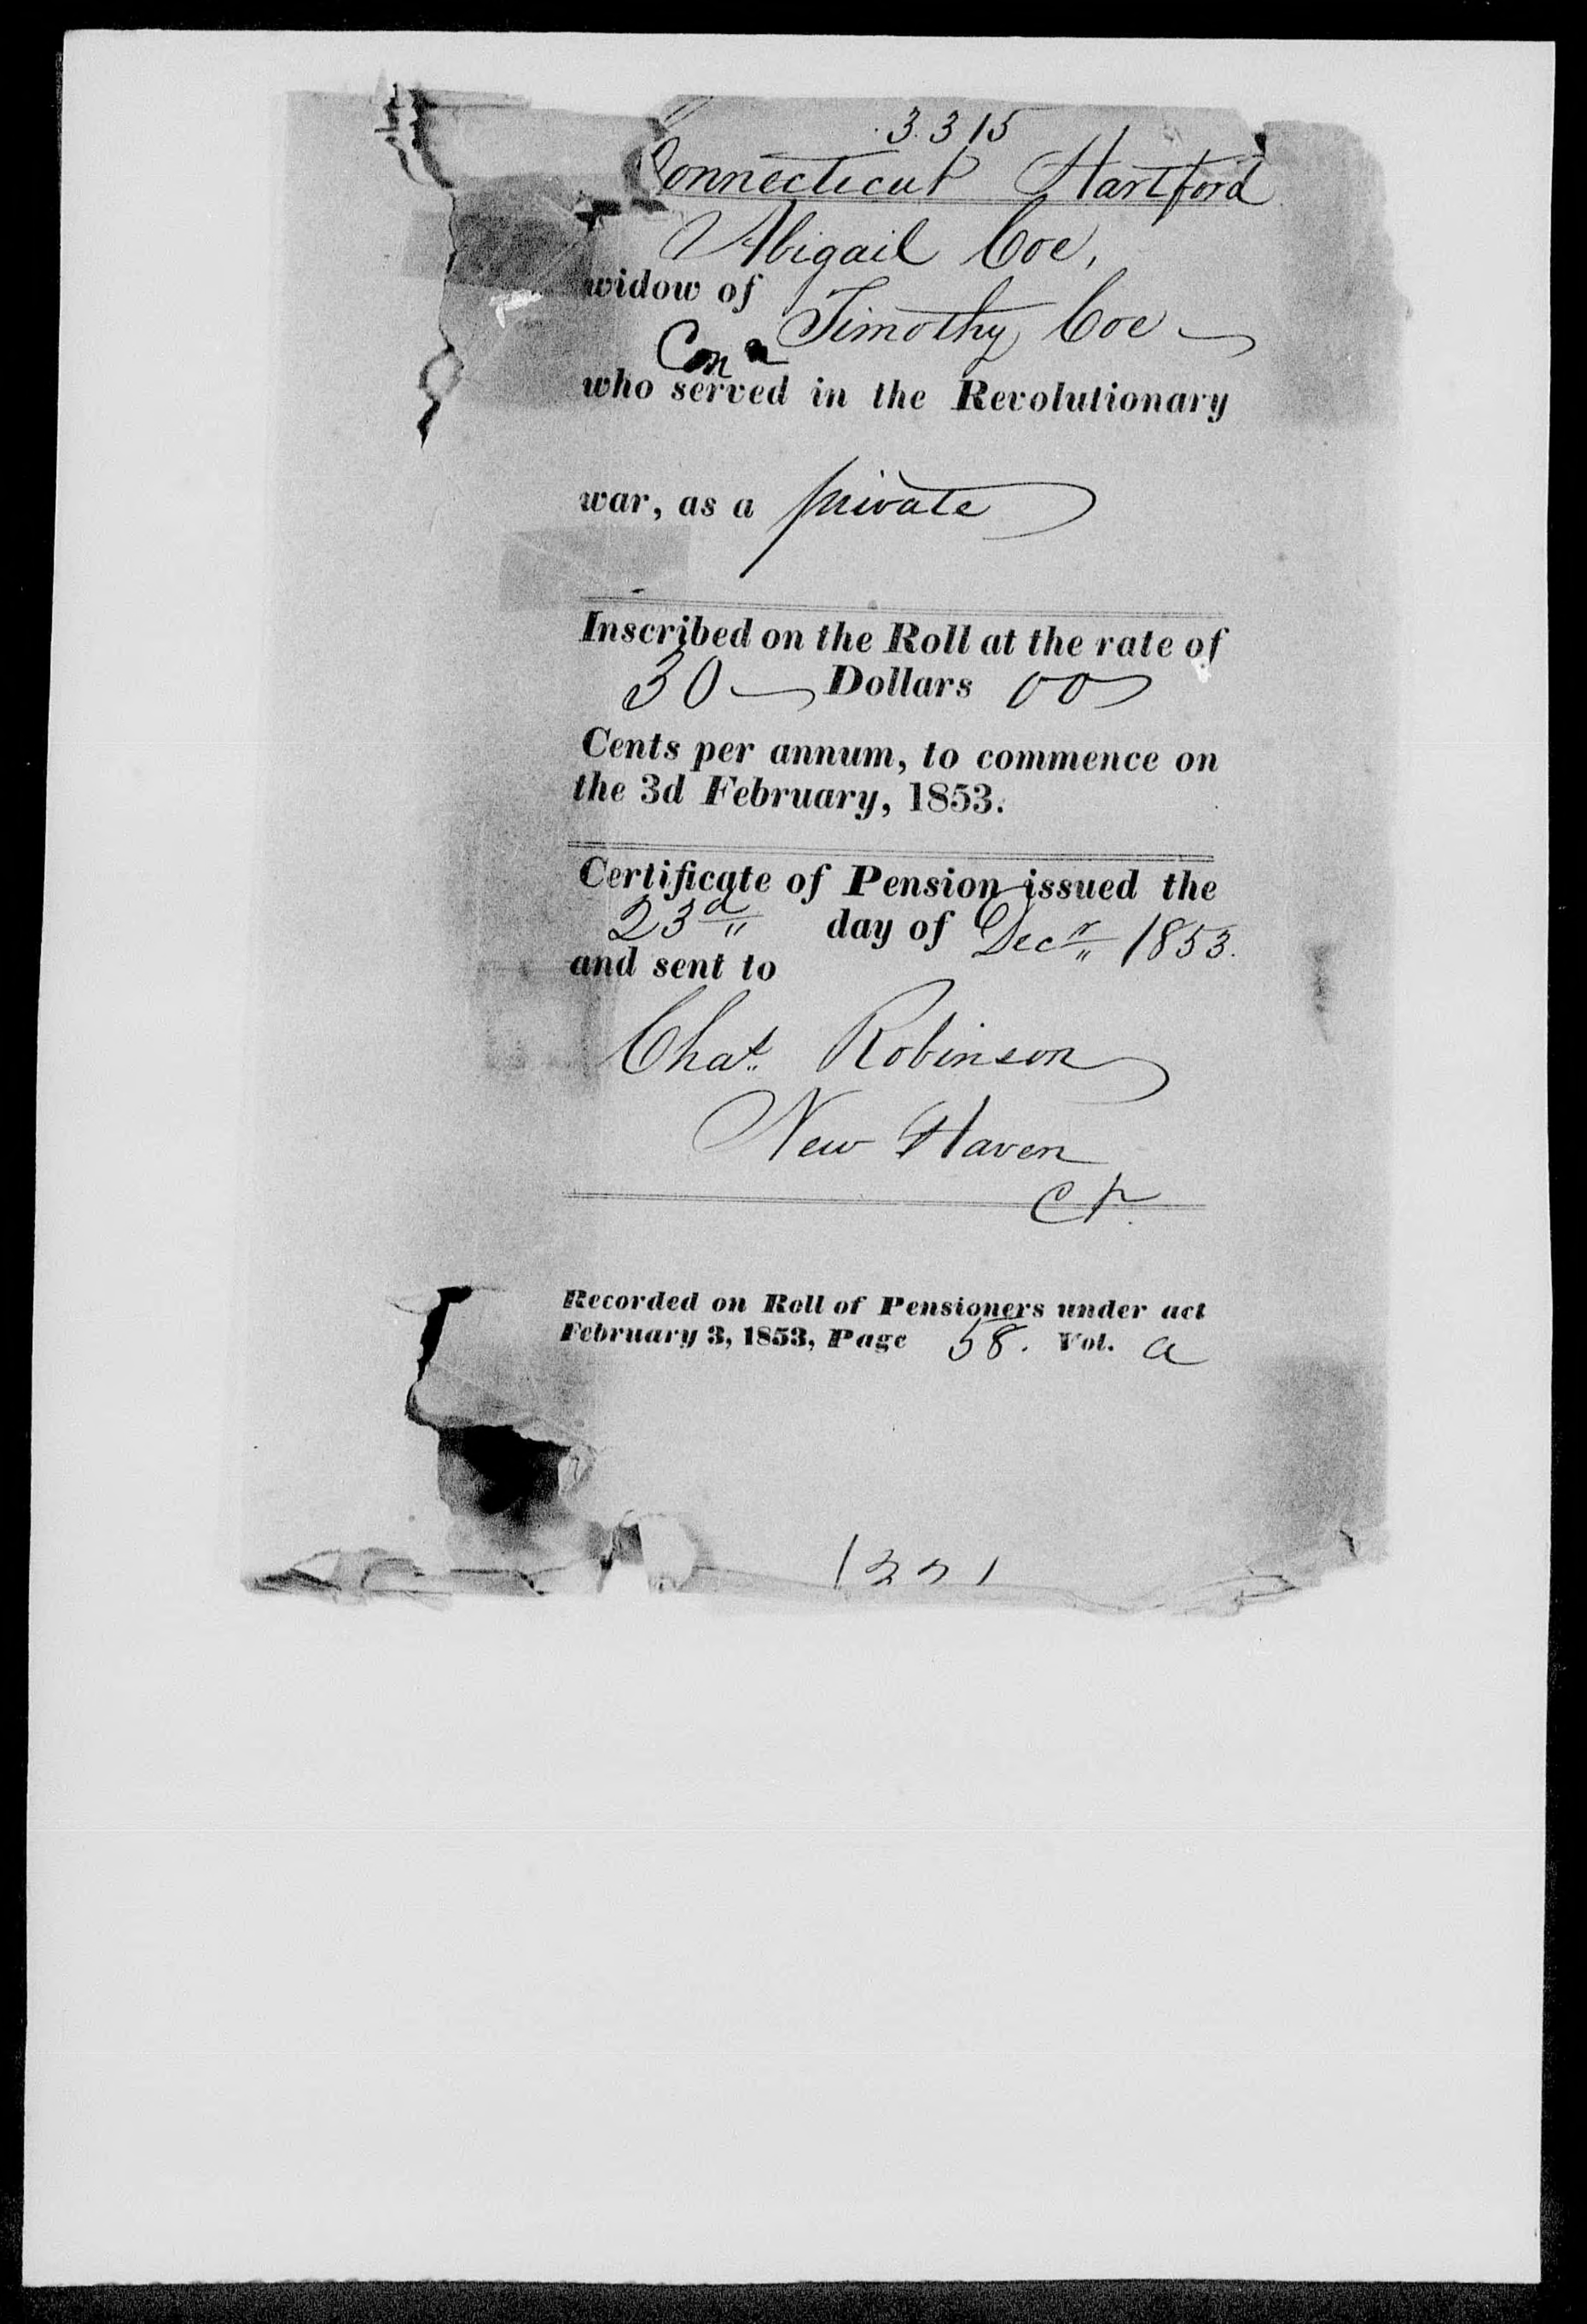3315
Connecticut, Hartford
Abigail Coe widow of Timothy Coe
who serviced in the Revolutionary War as a private
Inscribed on the roll at the rate of 30 dollars 00 cents per annum, to commence on 3rd February 1853.
Certificate of pension issued on the 23rd day of Dec 1853 and sent to Chas Robinson, New Haven, CT
Recorded on the Roll of Pensioners under cert February 3, 1853. Page 58 Vol. A
1321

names: Timothy Coe, Abigail Coe, Chas Robinson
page: 3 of 76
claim: widow's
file: W. 5,250, Timothy Coe, Conn.